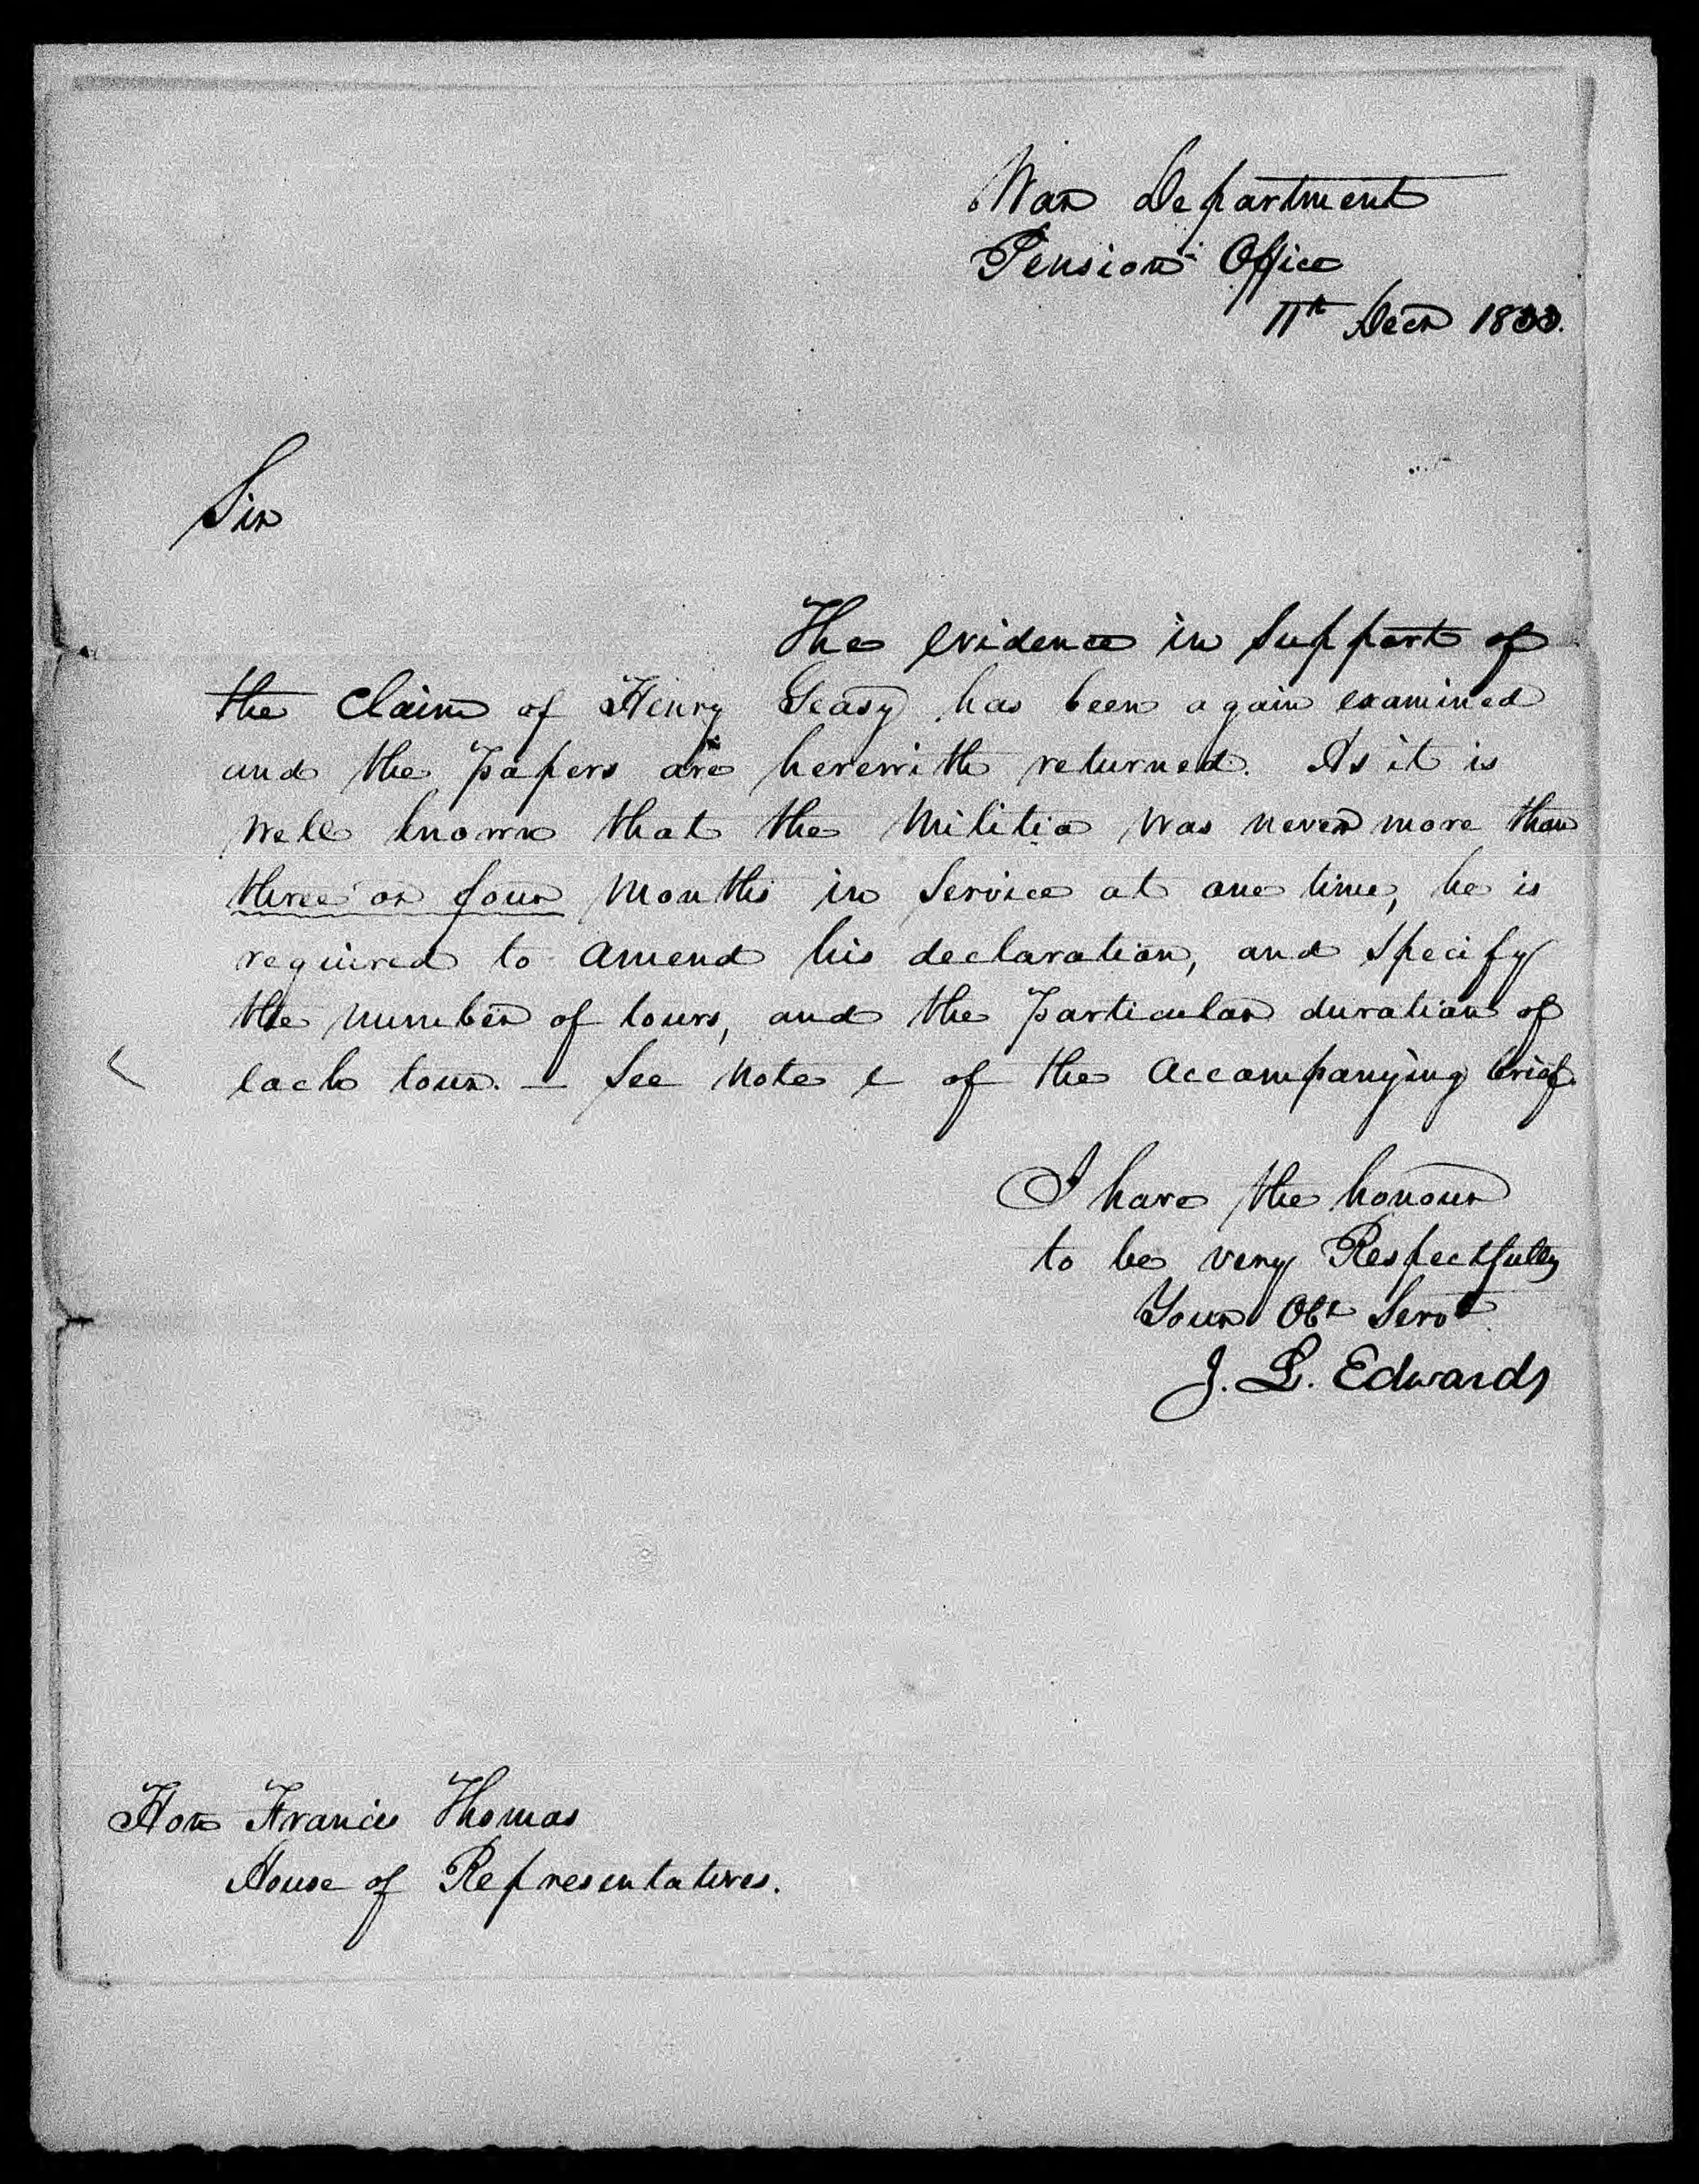War Department
Pension Office
11th Decr 1833

Sir

The evidence in Support of
the claim of Henry Geasey has been again examined
and the papers are herewith returned.  As it is
well known that the militia was never more than
[begin underline] three or four [end underline] months in Service at one time, he is
required to amend his declaration, and Specify
the number of tours, and the particular duration of
each tour.  See note [illegible] of the accompanying brief.

I have the honour
to be very Respectfully
Your Obt Servt.
J. L. Edwards

Hon Francis Thomas
House of Representatives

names: Henry Geary, Francis Thomas, J L Edwards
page: 8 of 11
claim: survivor's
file: S. 8554, Henry Geasey, Md.